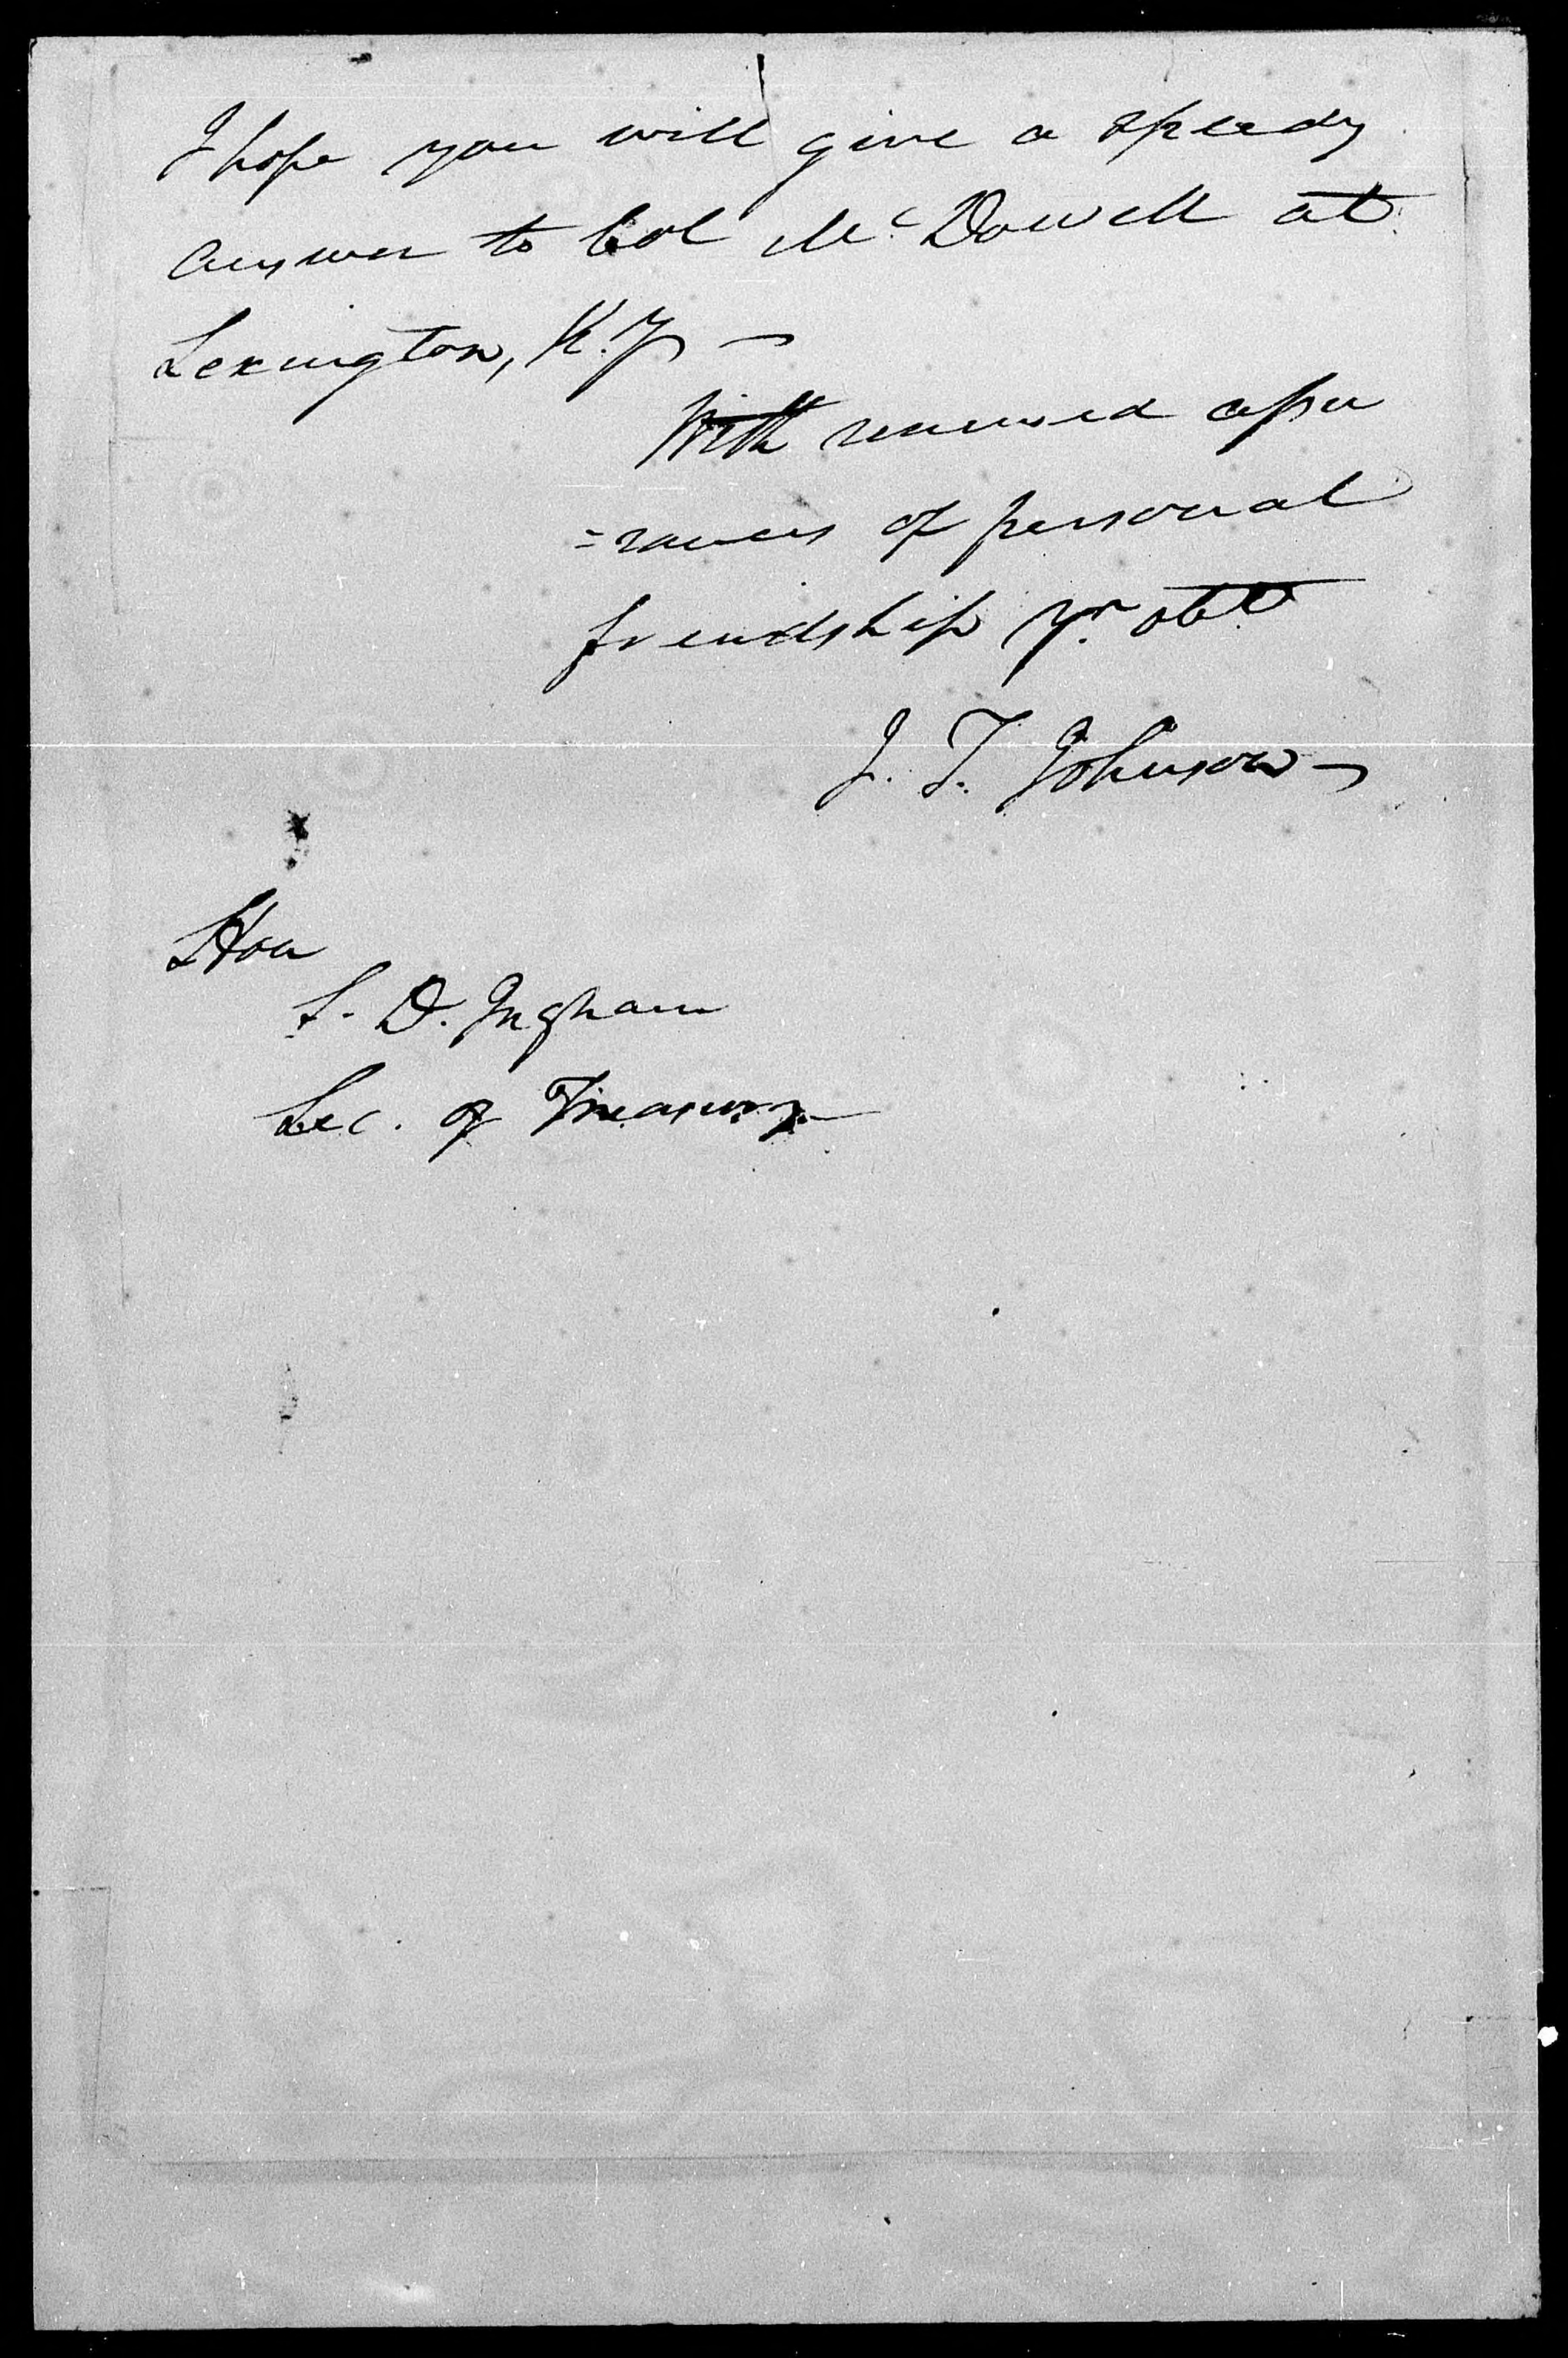I hope you will give a speedy
answer to Col McDowell at
Lexington, Ky.
With [illegible] [illegible]
     of personal friendship [illegible]
J. T. Johnson

Hon S.D. Ingram
Sec. of Treasury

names: S D Ingham; J T Johnson; [BLANK] Mc Dowell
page: 29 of 47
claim: survivor's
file: S. 30578, for John Mc Dowell, Virginia